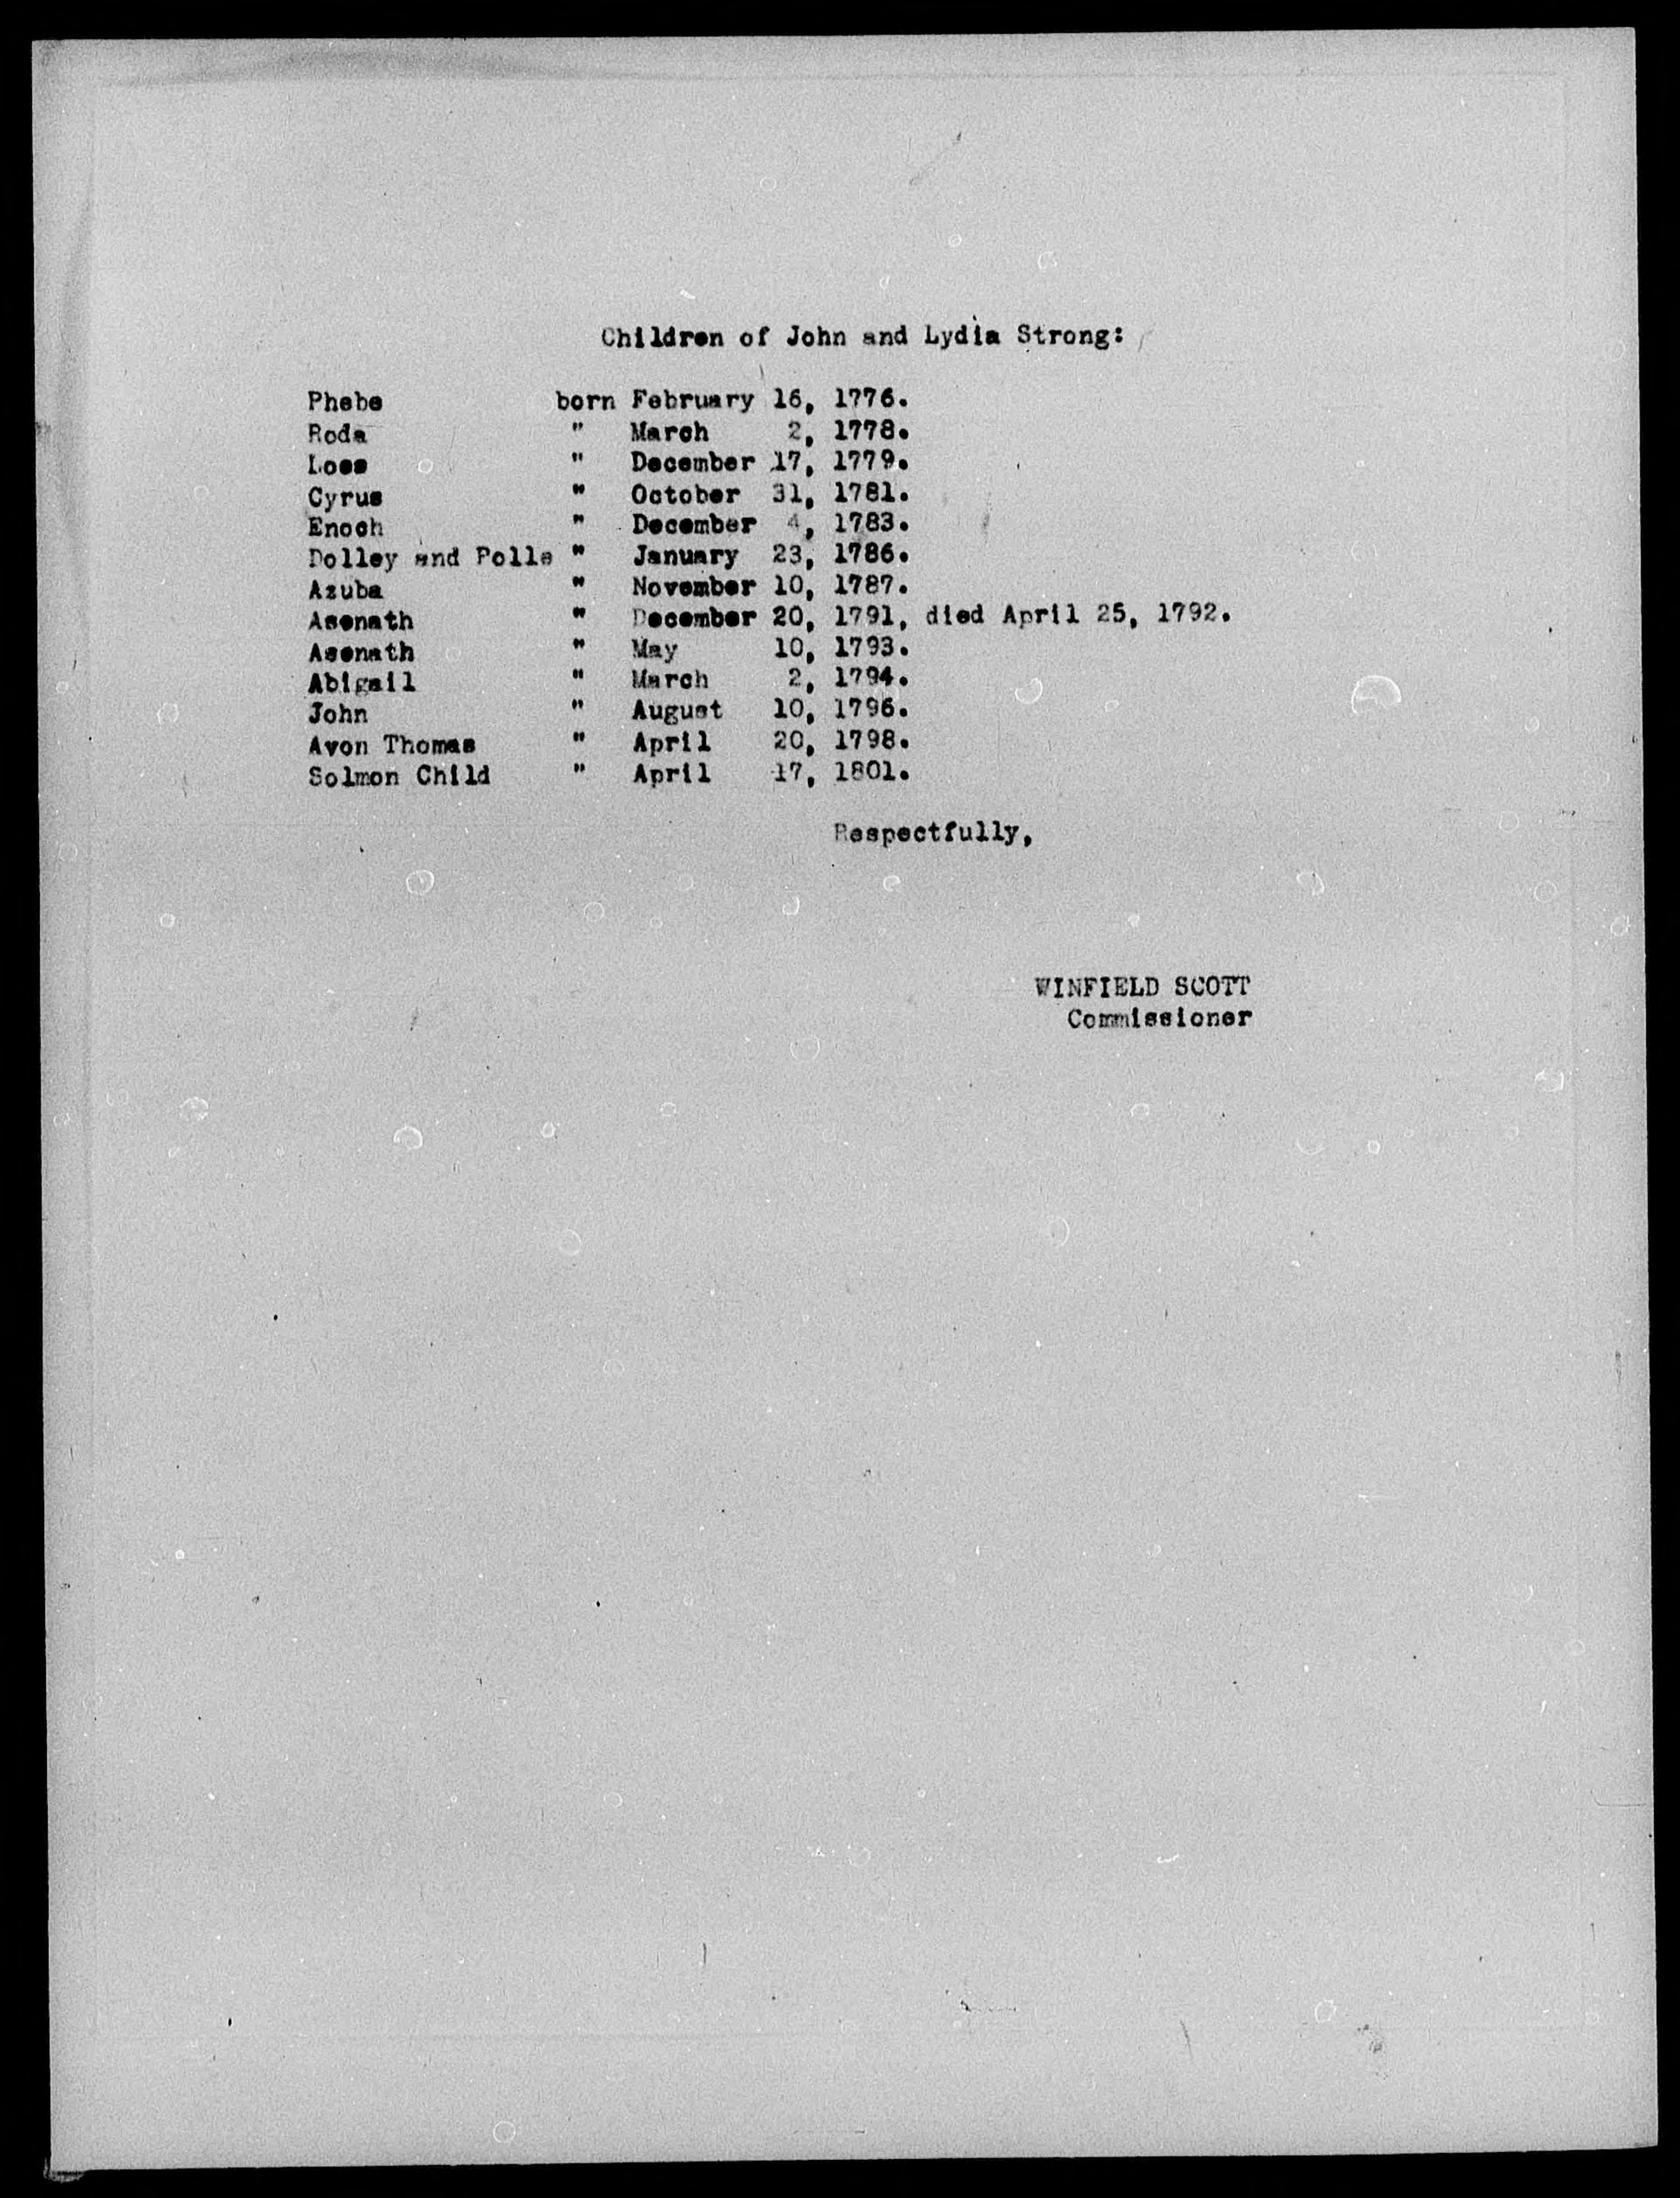Children of John and Lydia Strong:

Phoebe born February 16, 1776.
Roda born March 2, 1778.
Loss born December 17, 1779.
Cyrus born October 31, 1781.
Enoch born December 4, 1783. 
Dolly and Polle born January 23, 1786.
Azuba born November 10, 1787.
Asenath born December 20, 1791, died April 25, 1792. 
Asenath born May 10, 1793.
Abigail born March 2, 1794. 
John born August 10, 1796. 
Avon Thomas born April 20, 1798.
Solmon Child born April 17, 1801. 

Respectfully, 
Winfield Scott
Commissioner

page: 19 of 33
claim: widow's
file: W. 4592, for John Strong, New York